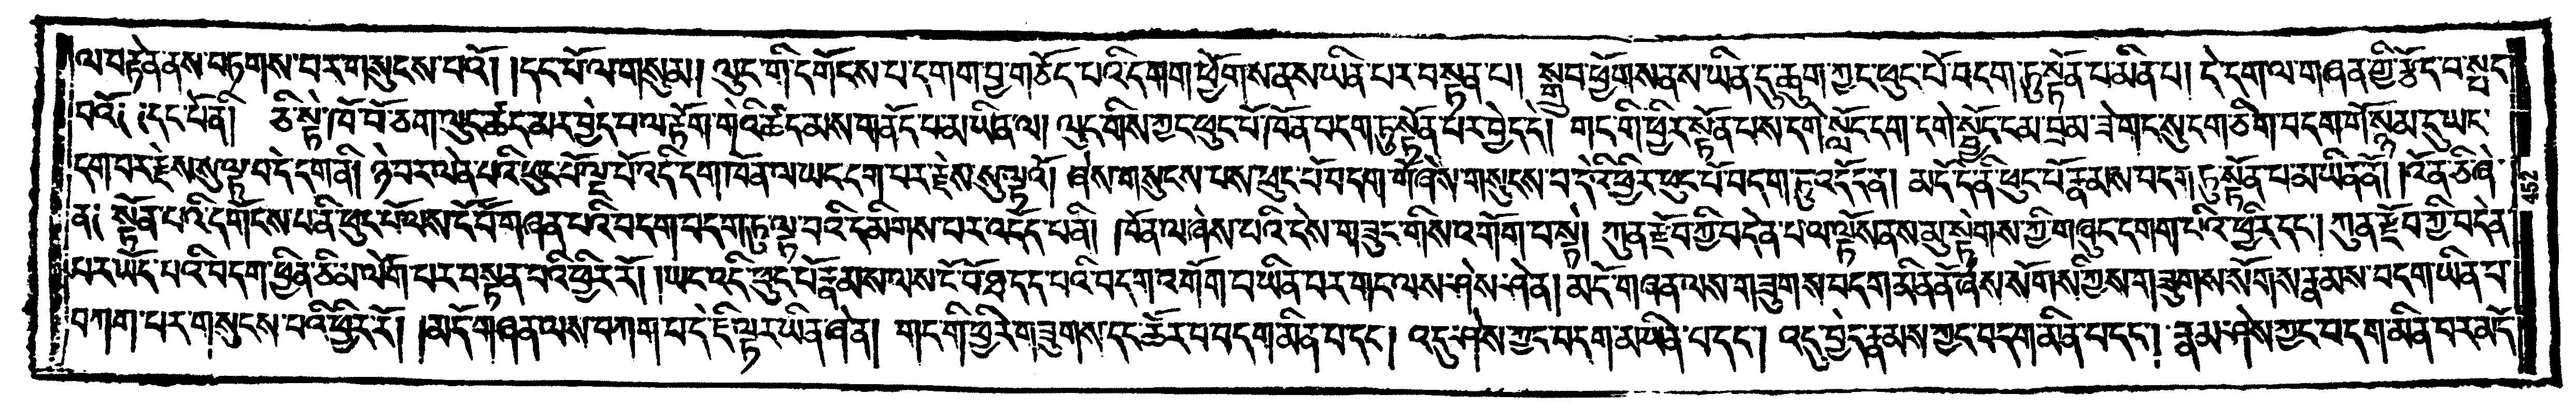ལ་བརྟེན་ནས་བཏགས་པར་གསུངས་པའོ། །དང་པོ་ལ་གསུམ། ལུང་གི་དགོངས་པ་དགག་བྱ་གཅོད་པའི་དགག་ཕྱོགས་ནས་ཡིན་པར་བསྟན་པ། སྒྲུབ་ཕྱོགས་ནས་ཡིན་དུ་ཆུག་ཀྱང་ཕུང་པོ་བདག་ཏུ་སྟོན་པ་མིན་པ། དེ་དག་ལ་གཞན་གྱི་རྩོད་པ་སྤང་
བའོ། །དང་པོ་ནི། ཅི་སྟེ་ཁོ་བོ་ཅག་ལུང་ཚད་མར་བྱེད་པ་ལ་རྟོག་གེའི་ཚད་མས་གནོད་པ་མ་ཡིན་ལ། ལུང་གིས་ཀྱང་ཕུང་པོ་ཁོ་ན་བདག་ཏུ་སྟོན་པར་བྱེད་དེ། གང་གི་ཕྱིར་སྟོན་པས་དགེ་སློང་དག་དགེ་སྦྱོང་ངམ་བྲམ་ཟེ་གང་སུ་དག་ཅིག་བདག་གོ་སྙམ་དུ་ཡང་
དག་པར་རྗེས་སུ་ལྟ་བ་དེ་དག་ནི། ཉེ་བར་ལེན་པའི་ཕུང་པོ་ལྔ་པོ་འདི་དག་ཁོ་ན་ལ་ཡང་དག་པར་རྗེས་སུ་ལྟའོ། ཞེས་གསུངས་པས་ཕུང་པོ་བདག་གོ་ཞེས་གསུངས་པ་དེའི་ཕྱིར་ཕུང་པོ་བདག་ཏུ་འདོད་ན། མདོ་དེ་ནི་ཕུང་པོ་རྣམས་བདག་ཏུ་སྟོན་པ་མ་ཡིན་ནོ། །འོ་ན་ཅི་ཞེ་
ན༑ སྟོན་པའི་དགོངས་པ་ནི་ཕུང་པོ་ལས་ངོ་བོ་གཞན་པའི་བདག་བདག་ཏུ་ལྟ་བའི་དམིགས་པར་འདོད་པ་ནི། ཁོ་ན་ལ་ཞེས་པའི་ངེས་བཟུང་གིས་འགོག་པ་སྟེ། ཀུན་རྫོབ་ཀྱི་བདེན་པ་ལ་ལྟོས་ནས་མུ་སྟེགས་ཀྱི་གཞུང་དགག་པའི་ཕྱིར་དང་། ཀུན་རྫོབ་ཀྱི་བདེན་
པར་ཡོད་པའི་བདག་ཕྱིན་ཅི་མ་ལོག་པར་བསྟན་པའི་ཕྱིར་རོ། །ཡང་འདི་ཕུང་པོ་རྣམས་ལས་ངོ་བོ་ཐ་དད་པའི་བདག་འགོག་པ་ཡིན་པར་གང་ལས་ཤེས་ཤེ་ན། མདོ་གཞན་ལས་གཟུགས་བདག་མིན་ནོ་ཞེས་སོགས་ཀྱིས་གཟུགས་སོགས་རྣམས་བདག་ཡིན་པ་
བཀག་པར་གསུངས་པའི་ཕྱིར་རོ། །མདོ་གཞན་ལས་བཀག་པ་དེ་ཇི་ལྟར་ཡིན་ཞེ་ན། གང་གི་ཕྱིར་གཟུགས་དང་ཚོར་བ་བདག་མིན་པ་དང་། འདུ་ཤེས་ཀྱང་བདག་མ་ཡིན་པ་དང་། འདུ་བྱེད་རྣམས་ཀྱང་བདག་མིན་པ་དང་། རྣམ་ཤེས་ཀྱང་བདག་མིན་པར་མདོ་